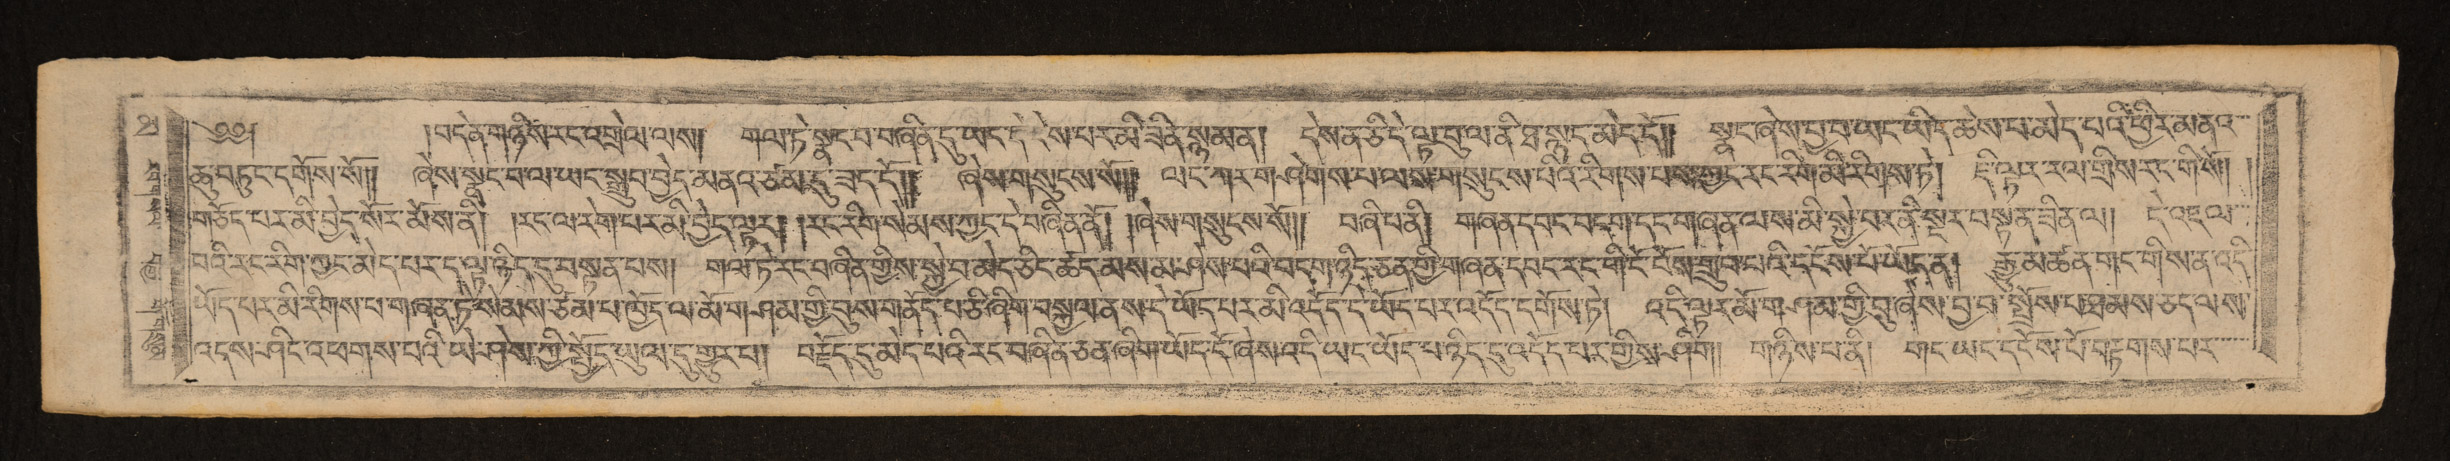༄༅། །བདེན་གཉིས་རང་འགྲེལ་ལས། གལ་ཏེ་སྣང་བ་བཞིན་དུ་ཡང་དེ་ངེས་པར་མི་ཟིན་སྙམ་ན། དེས་ན་ཅི་དེ་ལྟ་བུ་ལ་ནི་ཐ་སྙད་མེད་དོ།། སྣང་ཞེས་བྱ་བ་ཡང་ཡིད་ཆེས་པ་མེད་པའི་ཕྱིར་མནའ་
ཆུ་བཏུང་དགོས་སོ།། ཞེས་སྣང་བ་ལ་ཡང་སྒྲུབ་བྱེད་མནའ་ཙམ་དུ་ཟད་དོ།། ཞེས་གསུངས་སོ།། ལང་ཀར་གཤེགས་པ་ལས་གསུངས་པའི་རིགས་པས་ཀྱང་རང་རིག་མི་རིགས་ཏེ། ཇི་ལྟར་རལ་གྲིས་རང་གི་སོ།།
གཅོད་པར་མི་བྱེད་སོར་མོས་ནི། །རང་ལ་རེག་པར་མི་བྱེད་ལྟར། །རང་རིག་སེམས་ཀྱང་དེ་བཞིན་ནོ། །ཞེས་གསུངས་སོ།། བཞི་པ་ནི། གཞན་དབང་བདག་དང་གཞན་ལས་མི་སྐྱེ་བར་ནི་སྔར་བསྟན་ཟིན་ལ། དེ་འཇལ་
བའི་རང་རིག་ཀྱང་མེད་བར་ད་ལྟ་ཉིད་དུ་བསྟན་པས། གལ་ཏེ་རང་བཞིན་གྱིས་སྐྱེ་བ་མེད་ཅིང་ཚད་མས་མ་ཤེས་པའི་བདག་ཉིད་ཅན་གྱི་གཞན་དབང་རང་གི་ངོ་བོས་གྲུབ་པའི་དངོས་པོ་ཡོད་ན། རྒྱུ་མཚན་གང་གིས་ན་འདི་
ཡོད་པར་མི་རིགས་པ་གཞན་ཏེ་སེམས་ཙམ་པ་ཁྱོད་ལ་མོ་གཤམ་གྱི་བུས་གནོད་པ་ཅི་ཞིག་བསྐྱལ་ནས་དེ་ཡོད་པར་མི་འདོད་དེ་ཡོད་པར་འདོད་དགོས་ཏེ། འདི་ལྟར་མོ་གཤམ་གྱི་བུ་ཞེས་བྱ་བ་སྤྲོས་པ་ཐམས་ཅད་ལས་
འདས་ཤིང་འཕགས་པའི་ཡེ་ཤེས་ཀྱི་སྤྱོད་ཡུལ་དུ་གྱུར་པ། བརྗོད་དུ་མེད་པའི་རང་བཞིན་ཅན་ཞིག་ཡོད་དོ་ཞེས་འདི་ཡང་ཡོད་པ་ཉིད་དུ་འདོད་པར་གྱིས་ཤིག། གཉིས་པ་ནི། གང་ཡང་དངོས་པོ་བརྟགས་པར་